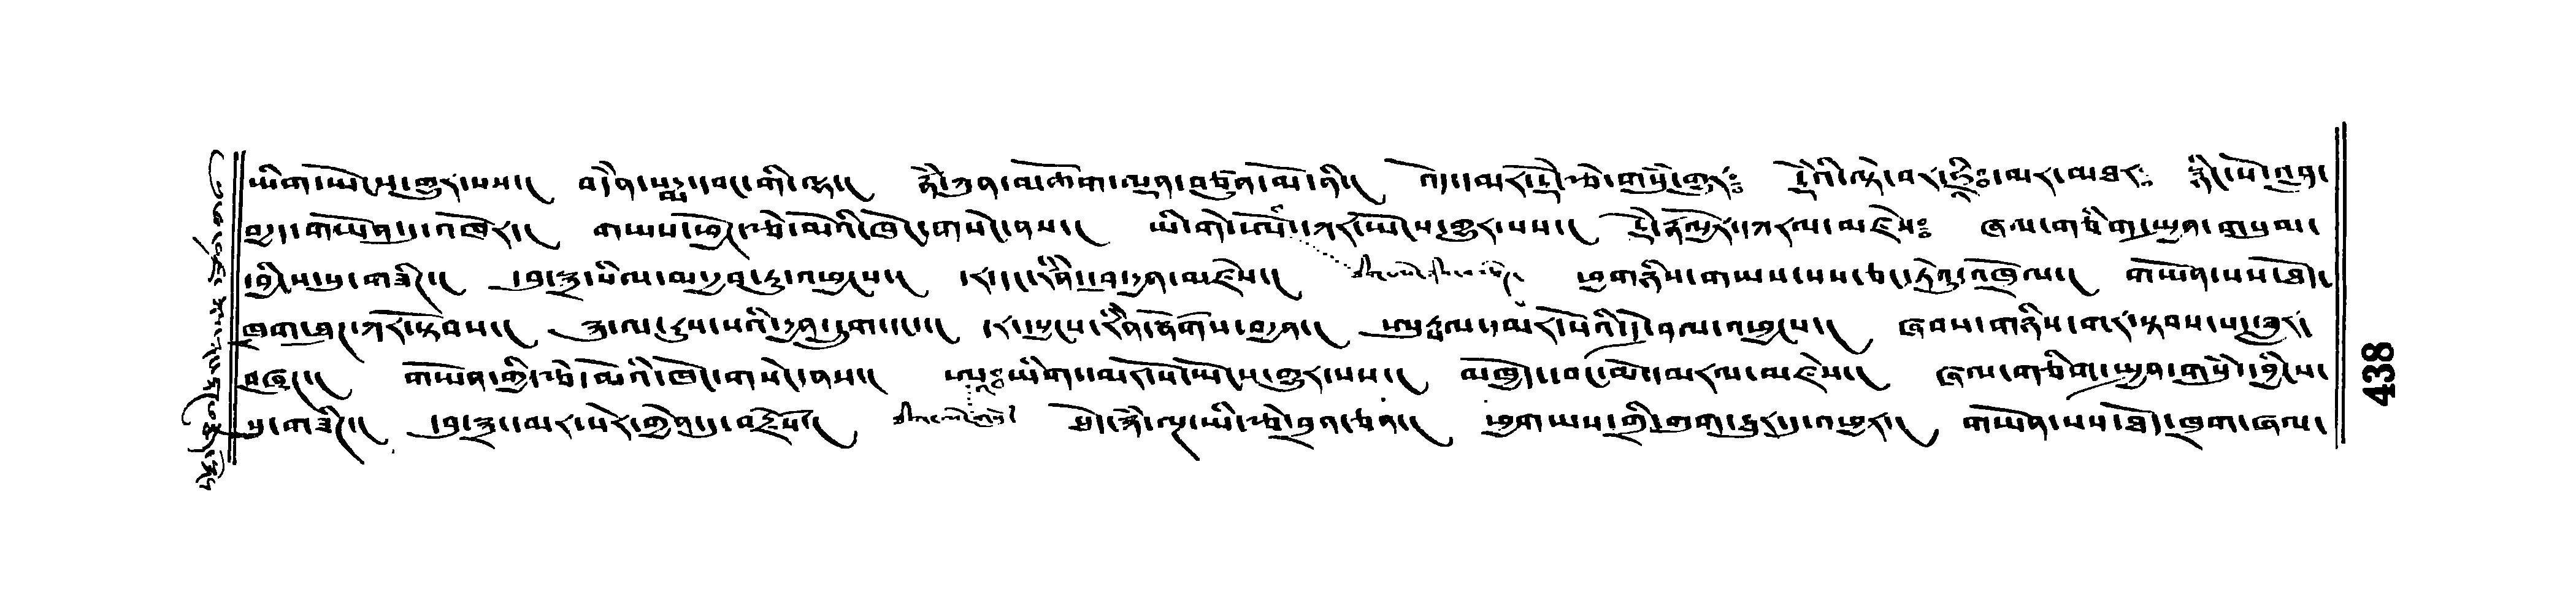ཡིག་ཡོངས་གྱུར་པས། །བདེ་ཆེན་པདྨ་དབང་གི་ལྷ། །རྣམ་ཀུན་མཆོག་ལྡན་བཙུན་མོ་ནི། །འོད་དམར་རྡོ་རྗེ་རྩེ་གསུམ་གྱུར། །རྡོ་རྗེའི་ལྟེ་བར་ཧྲཱིཿདམར་མཐར། །སྙིང་པོ་འབྲུ་
བརྒྱད་གཡོན་དུ་འཁོར། །གཡས་ཕྱོགས་རྩེ་མོའི་ཁོང་གསེང་ནས། །ཡི་གེ་ཨོཾ་དཀར་ཡོངས་གྱུར་པས། །རྡོ་རྗེ་རྣལ་འབྱོར་དཀར་གསལ་མཛེས། ཞལ་གཅིག་སྤྱན་གསུམ་
དབྱིངས་སུ་གཟིགས། །དབུ་སྐྲ་སིལ་མ་རྒྱབ་ཏུ་འཕྱངས། །དར་དང་རིན་ཆེན་དབུ་རྒྱན་མཛེས། །ཕྱག་གཉིས་གཡས་པས་ཅང་ཏེའུ་འཁྲོལ། །གཡོན་པས་ཐོད་
ཁྲག་ཐུགས་ཀར་སྟོབ། །སྐུ་ལ་རུས་པའི་རྒྱན་དྲུག་དང་། །དར་དཔྱངས་རིན་ཆེན་སྣ་ཆོགས་བརྒྱན། །ཨུཏྤལ་དམར་པོའི་དོ་ཤལ་འཕྱངས། །ཞབས་གཉིས་གར་སྟབས་པད་ཟླར་
བཞུགས། །གཡོན་གྱི་རྩེ་མོའི་ཁོང་གསེང་ནས། །ཨཱཿཡིག་དམར་པོ་ཡོངས་གྱུར་པས། །མཁའ་སྤྱོད་དབང་མོ་དམར་གསལ་མཛེས། །ཞལ་གཅིག་སྤྱན་གསུམ་དབྱིངས་
སུ་གཟིགས། །དབུ་སྐྲ་དམར་སེར་གྱེན་དུ་བརྫེས། །ཐོད་སྐམ་ལྔ་ཡི་རྩེ་བྲན་ཅན། །ཕྱག་གཡས་གྲི་གུག་ཐུར་དུ་འཕྱར། །གཡོན་པས་ཐོད་ཁྲག་ཞལ་